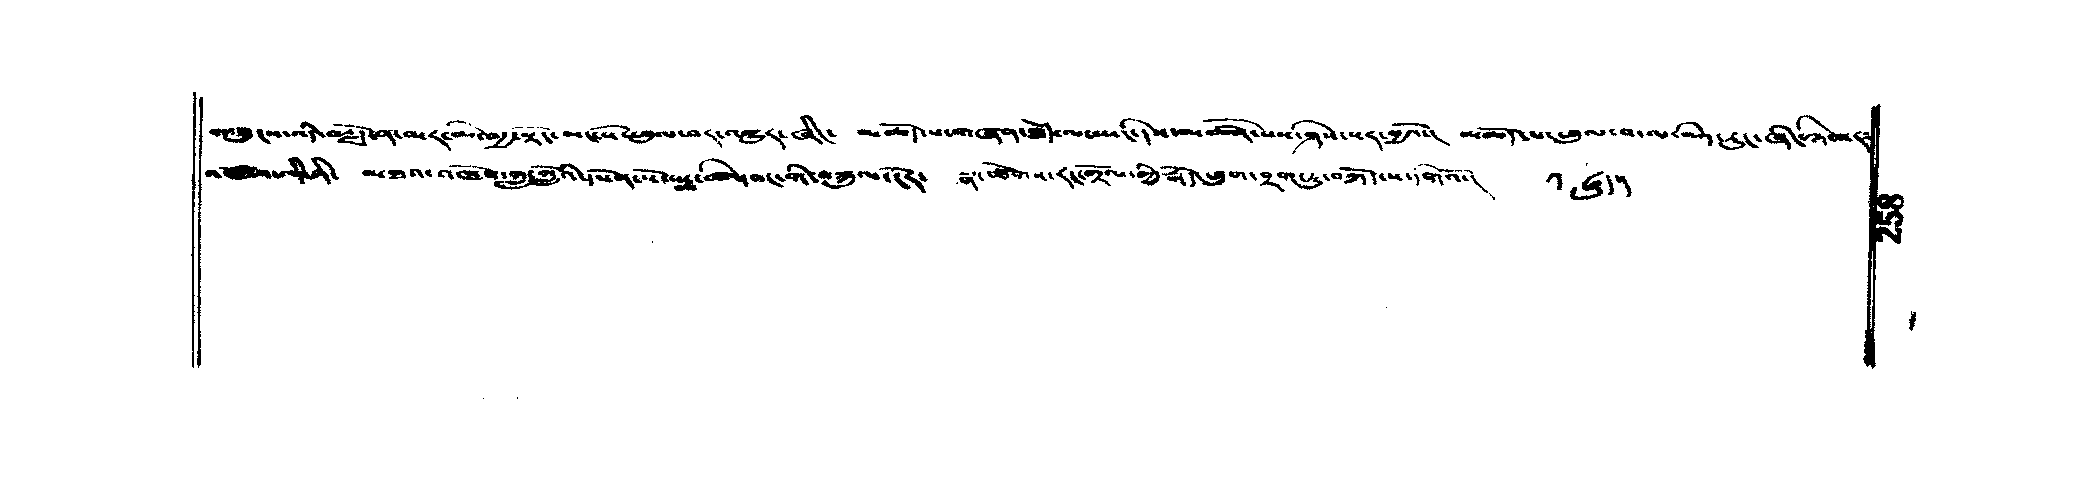གཟུངས་འདི་བརྗོད་ན་མར་མེ་བརྒྱ་སྟོང་མང་པོར་ཕུལ་བར་འགྱུར་ཞིང་། མཆོད་པ་གཞན་ཐམས་ཅད་ལ་ཡང་དེས་མཚོན་པས་ཤེས་པར་བྱའོ། མཆོད་པ་ཕུལ་བ་ལ་མེད་རུང་ཞིང་ཉེ་བར་
འཁོ་བ་འདི་ནི། མཐའ་འཁོབ་ཀླ་ཀློའི་དཔོན་པོ་པདྨ་ཚེ་དབང་གི་བསྐུལ་ངོར། སྣ་ཚོགས་རང་གྲོལ་གྱི་རྒོད་ཕུག་བྲག་ཏུ་བཀོད་པ་དགེའོ།